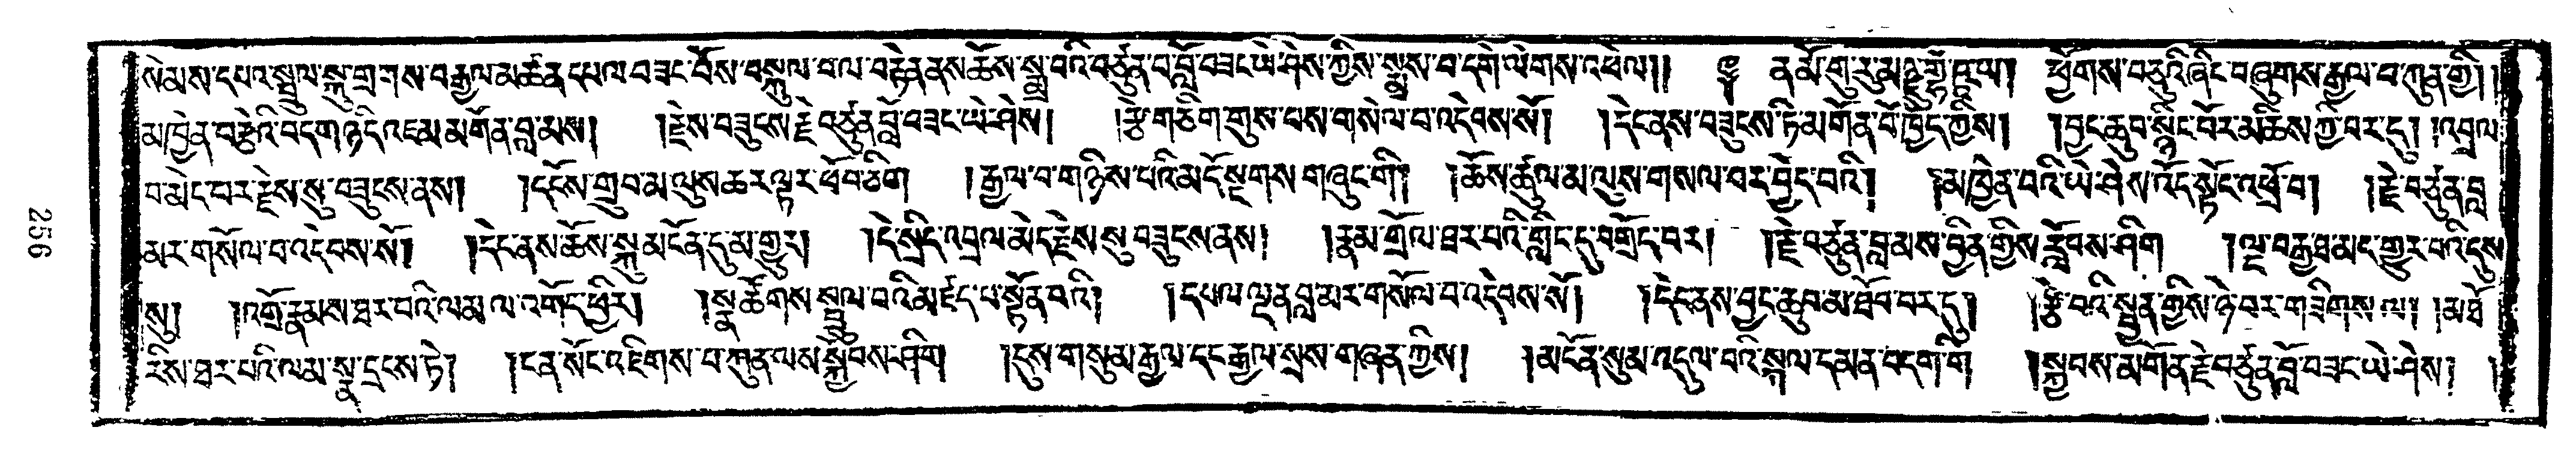སེམས་དཔའ་སྦྲུལ་སྐུ་གྲགས་བ་རྒྱལ་མཚན་དཔལ་བཟང་བོས་བསྐུལ་བ་ལ་བརྟེན་ནས་ཆོས་སྨྲ་བའི་བཙུན་པ་བློ་བཟང་ཡེ་ཤེས་ཀྱིས་སྨྲས་བ་དགེ་ལེགས་འཕེལ།། ༈ ན་མོ་གུ་རུ་མཉྫུ་གྷོ་ཥཱ་ཡ། ཕྱོགས་བཅུའི་ཞིང་བཞུགས་རྒྱལ་བ་ཀུན་གྱི། །
མཁྱེན་བརྩེའི་བདག་ཉིད་འཇམ་མགོན་བླ་མས། །རྗེས་བཟུངས་རྗེ་བཙུན་བློ་བཟང་ཡེ་ཤེས། །རྩེ་གཅིག་གུས་པས་གསེལ་བ་འདེབས་སོ། །དེང་ནས་བཟུངས་ཏི་མགོན་པོ་ཁྱོད་ཀྱིས། །བྱང་ཆུབ་སྙིང་པོར་མཆིས་ཀྱི་བར་དུ། །འབྲལ་
བ་མེད་པར་རྗེས་སུ་བཟུངས་ནས། །དངོས་གྲུབ་མ་ལུས་ཆར་ལྟར་ཕོབ་ཅིག །རྒྱལ་བ་གཉིས་པའི་མདོ་སྔགས་གཞུང་གི། །ཆོས་ཚུལ་མ་ལུས་གསལ་བར་བྱེད་པའི། །མཁྱེན་བའི་ཡེ་ཤེས་འོད་སྟོང་འཕྲོ་བ། །རྗེ་བཙུན་བླ་
མར་གསོལ་བ་འདེབས་སོ། །དེང་ནས་ཆོས་སྐུ་མངོན་དུ་མ་གྱུར། །དེ་སྲིད་འབྲལ་མེད་རྗེས་སུ་བཟུངས་ནས། །རྣམ་གྲོལ་ཐར་པའི་གླིང་དུ་བགྲོད་བར། །རྗེ་བཙུན་བླ་མས་བྱིན་གྱིས་བརློབས་ཤིག །ལྔ་བརྒྱ་ཐ་མང་གྱུར་པའི་དུས་
སུ། །འགྲོ་རྣམས་ཐར་བའི་ལམ་ལ་འགོད་ཕྱིར། །སྣ་ཚོགས་སྤྲུལ་བའི་མཛད་པ་སྟོན་བའི། །དཔལ་ལྡན་བླ་མར་གསོལ་བ་འདེབས་སོ། །དེང་ནས་བྱང་ཆུབ་མ་ཐོབ་བར་དུ། །རྩེ་བའི་སྤྱན་གྱིས་ཉེ་བར་གཟིགས་ལ། །མཐོ་
རིས་ཐར་པའི་ལམ་སྣ་དྲངས་ཏེ། །ངན་སོང་འཇིགས་པ་ཀུན་ལས་སྐྱོབས་ཤིག །དུས་གསུམ་རྒྱལ་དང་རྒྱལ་སྲས་གཞན་གྱིས། །མངོན་སུམ་འདུལ་བའི་སྐལ་དམན་བདག་གི །སྐྱབས་མགོན་རྗེ་བཙུན་བློ་བཟང་ཡེ་ཤེས། །